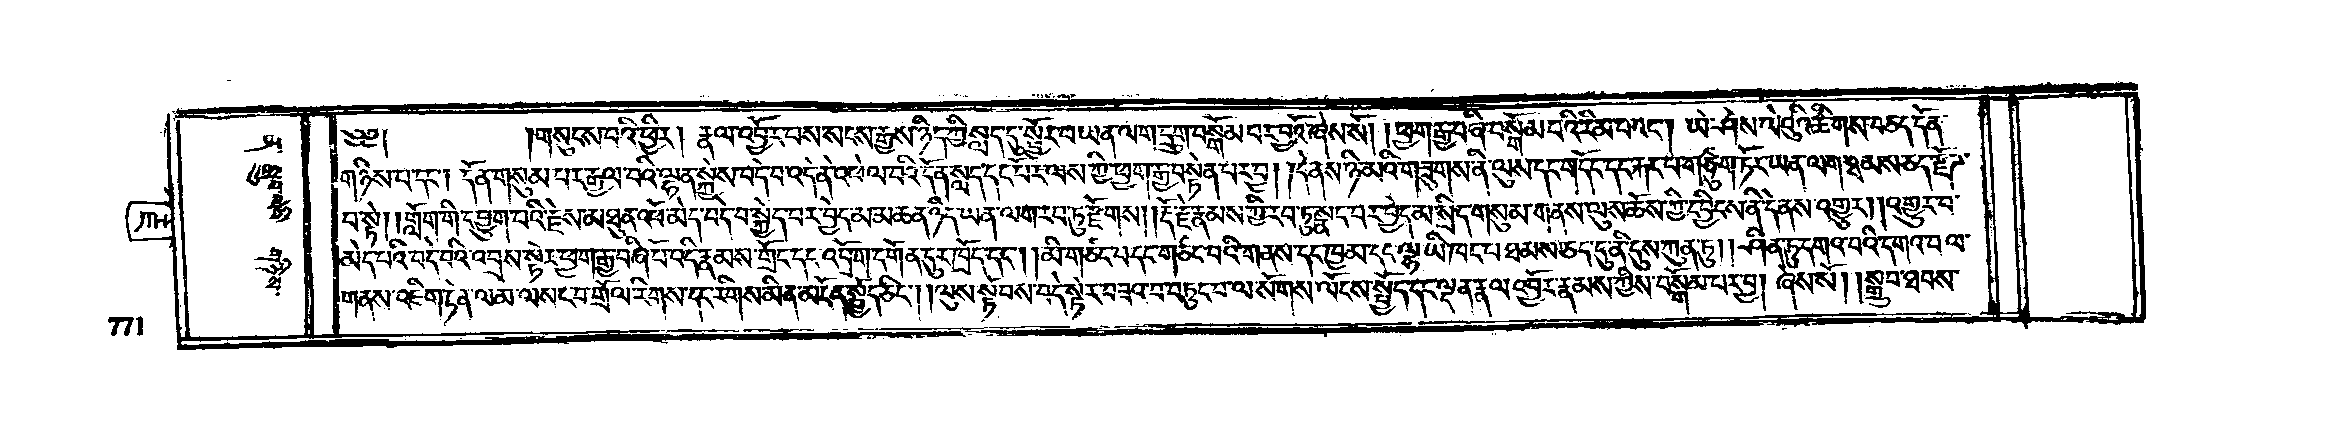༄༅། །གསུངས་པའི་ཕྱིར། རྣལ་འབྱོར་པས་སངས་རྒྱས་ཉིད་ཀྱི་སླད་དུ་སྦྱོར་བ་ཡན་ལག་དྲུག་བསྒོམ་པར་བྱའོ་ཞེས་སོ། །ཕྱག་རྒྱ་བཞི་བསྒོམ་པའི་རིམ་པའང་། ཡེ་ཤེས་ལེའུའི་ཚིགས་བཅད་དོན་གཉིས་པ་དང་། དོན་གསུམ་པར་རྒྱལ་བའི་ལྷན་སྐྱེས་བདེ་བ་འདི་ནི་འཕེལ་བའི་དོན་སླད་དང་པོར་ལས་ཀྱི་ཕྱག་རྒྱ་བསྟེན་པར་བྱ། །དེ་ནས་ཉི་མའི་གཟུགས་ནི་ལུས་དང་གདོང་དང་རྐང་པ་གཙུག་ཏོར་ཡན་ལག་ཐམས་ཅད་རྫོགས་
པ་སྟེ། །གློག་གི་དབྱུག་པའི་རྗེས་མཐུན་འཕོ་མེད་བདེ་བ་སྐྱེད་པར་བྱེད་མ་མཚན་ཉིད་ཡན་ལག་རབ་ཏུ་རྫོགས། །རྡོ་རྗེ་རྣམས་ཀྱི་རབ་ཏུ་སྣང་བར་བྱེད་མ་སྲིད་གསུམ་གནས་ལུས་ཆོས་ཀྱི་དབྱིངས་ནི་དེ་ནས་འགྱུར། །འགྱུར་བ་
མེད་པའི་བདེ་བའི་འབྲས་སྟེར་ཕྱག་རྒྱ་བཞི་པོ་འདི་རྣམས་གྲོང་དང་འབྲོག་དགོན་དུར་ཁྲོད་དང་། །མི་གཙང་བ་དང་གཙང་བའི་གནས་དང་ཁྱིམ་དང་ལྷ་ཡི་ཁང་པ་ཐམས་ཅད་དུ་ནི་དུས་ཀུན་ཏུ། །ཤིན་ཏུ་དགའ་བའི་དགའ་བ་ལ་
གནས་འཇིག་རྟེན་ལམ་ལས་རབ་གྲོལ་རིགས་དང་རིགས་མིན་མངོན་སྤྱོད་ཅིང་། །ལུས་སྟོབས་བདེ་སྟེར་བཟའ་བ་བཏུང་བ་ལ་སོགས་ལོངས་སྤྱོད་དང་ལྡན་རྣལ་འབྱོར་རྣམས་ཀྱིས་བསྒོམ་པར་བྱ། ཞེས་སོ། །སྒྲུབ་ཐབས་